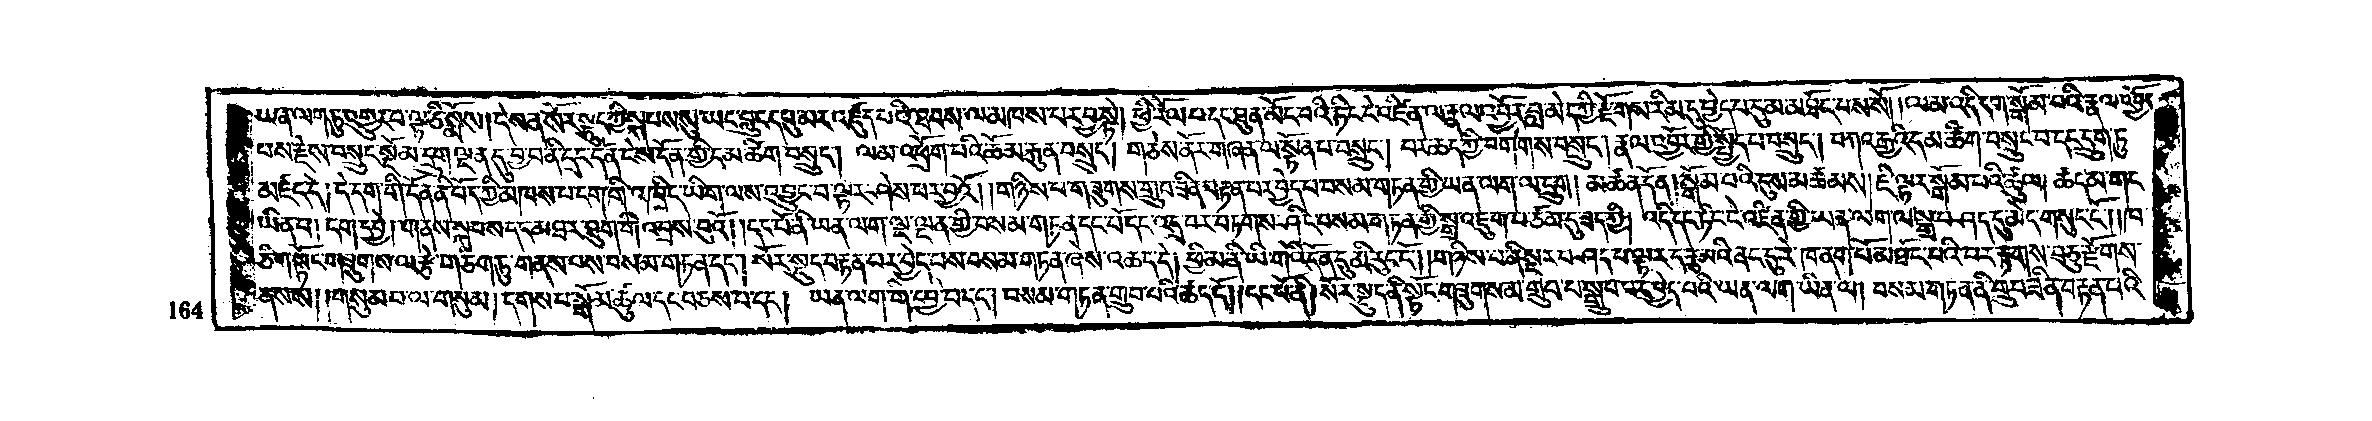ཡན་ལག་ཏུ་འགྱུར་བ་ལྟ་ཅི་སྨོས། དེས་ན་སོར་སྡུད?་ཀྱི་སྐབས་སུ་ཡང་བླུང་དབུ་མར་འཛུད་པའི་ཐབས་ལ་མཁས་པར་བྱ་སྟེ། ཕྱི་རོལ་པ་དང་ཐུན་མོང་བའི་ཏིང་ངེ་འཛིན་ལ་རྣལ་འབྱོར་བླ་མེད་ཀྱི་རྫོགས་རིམ་དུ་བྱེད་པ་དུ་མ་མཐོང་བས་སོ། །ལམ་འདི་དག་སྒོམ་པའི་རྣལ་འབྱོར་
པས་རྗེས་བསྲུང་སྡོམ་དྲུག་ལྡན་དུ་བྱ་བ་ནི་དྲང་དོན་ངེས་དོན་གྱི་དམ་ཚིག་བསྲུང་། ལམ་འཕྲོག་པའི་ཆོམ་རྐུན་བསྲུང་། གཅེས་ནོར་གཞན་ལ་སྟོན་པ་བསྲུང་། བར་ཆད་ཀྱི་བགེགས་བསྲུང་། རྣལ་འབྱོར་གྱི་སྤྱོད་པ་བསྲུང་། བཀའ་རྒྱའི་དམ་ཚིག་བསྲུང་བ་དང་དྲུག་ཏུ་
མཛད་དེ། དེ་དག་གི་དོན་ནི་བོད་ཀྱི་མཁས་པ་དག་གི་འཁྲིད་ཡིག་ལས་འབྱུང་བ་ལྟར་ཤེས་པར་བྱའོ། །གཉིས་པ་གཟུགས་གྲུབ་ཟིན་བརྟན་པར་བྱེད་པ་བསམ་གཏན་གྱི་ཡན་ལག་ལ་དྲུག །མཚན་དོན། སྒོམ་པའི་དུས་མཚམས། ཇི་ལྟར་སྒོམ་པའི་ཚུལ། ཚད་མ་གང་
ཡིན་པ། དག་དབྱེ། གནས་སྐབས་དང་མཐར་ཐུག་གི་འབྲས་བུའོ། །དང་པོ་ནི་ཡན་ལག་ལྔ་ལྡན་གྱི་བསམ་གཏན་དང་པོ་དང་འདྲ་བར་བཏགས་ཤིང་བསམ་གཏན་གྱི་སྒྲ་འཇུག་པ་ཙམ་དུ་ཟད་ཀྱི། འདི་དང་ཏིང་ངེ་འཛིན་གྱི་ཡན་ལག་ལ་སྒྲ་བཤད་དུ་མེད་གསུང་ངོ། །ཁ་
ཅིག་སྟོང་གཟུགས་ལ་རྩེ་གཅིག་ཏུ་གནས་པས་བསམ་གཏན་དང་། སོར་སྡུད་བརྟན་པར་བྱེད་པས་བསམ་གཏན་ཞེས་འཆད་དེ། ཕྱི་མ་ནི་ཡི་གེའི་དོན་དུ་མི་རུང་ངོ། །གཉིས་པ་ནི་སྔར་བཤད་པ་ལྟར་དེ?་རྩ་མའི་ནང་དུ་རེ་ཁ་ནག་པོ་མཐོང་བའི་བར་རྟགས་བཅུ་རྫོགས་
ནས་སོ།?  །གསུམ་པ་ལ་གསུམ། དགས་པ་སྒོམ་ཚུལ་དང་བཅས་པ་དང་། ཡན་ལག་གི་དབྱེ་བ་དང་། བསམ་གཏན་གྲུབ་པའི་ཚད་དོ། །དང་པོ་ནི། སོར་སྡུད་ནི་སྟོང་གཟུགས་མ་གྲུབ་པ་སྒྲུབ་པར་བྱེད་པའི་ཡན་ལག་ཡིན་ལ། བསམ་གཏན་ནི་གྲུབ་ཟིན་བརྟན་པའི་